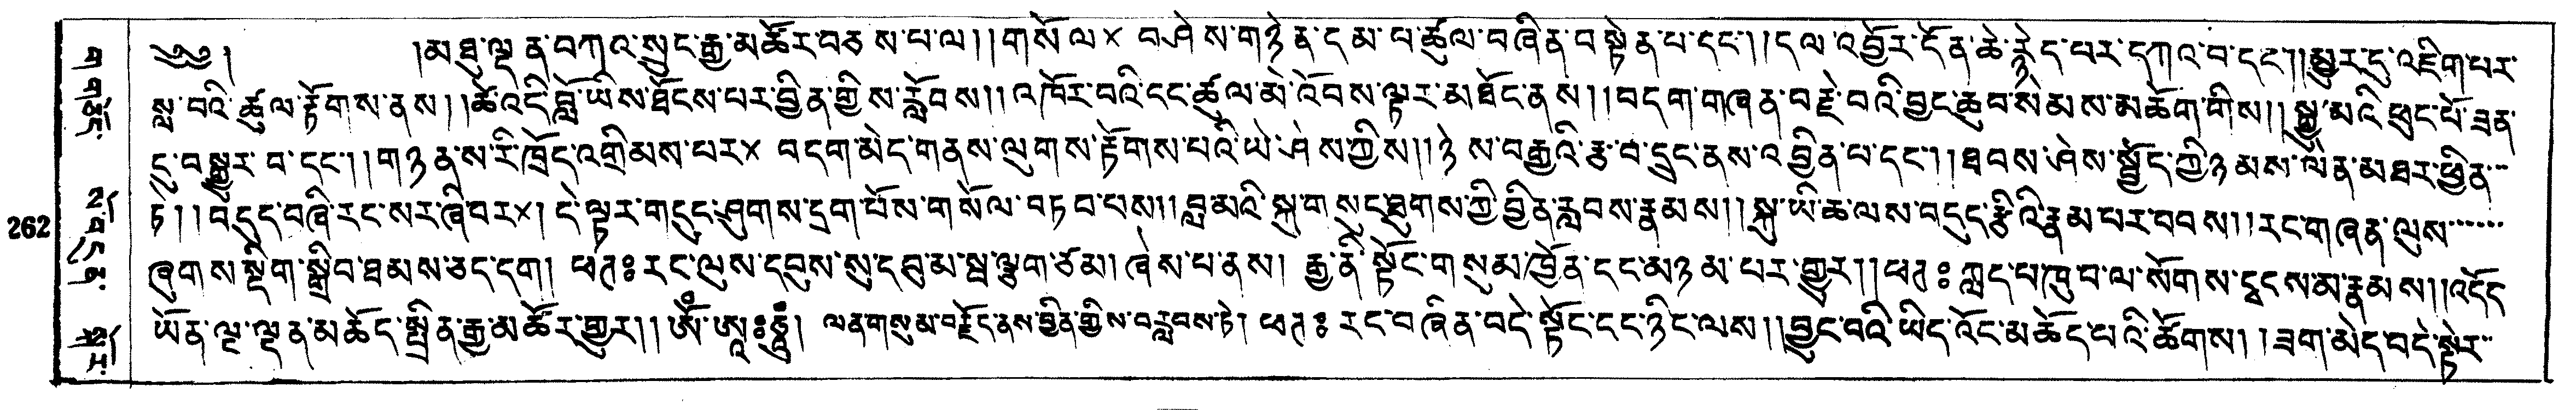༄༅། །མཐུ་ལྡན་བཀའ་སྲུང་རྒྱ་མཚོར་བཅས་པ་ལ། །གསོལ་྾་བཤེས་གཉེན་དམ་པ་ཚུལ་བཞིན་བསྟེན་པ་དང་། །དལ་འབྱོར་དོན་ཆེ་རྙེད་པར་དཀའ་བ་དང་། །མྱུར་དུ་འཇིག་པར་
སླ་བའི་ཚུལ་རྟོགས་ནས། །ཚེ་འདི་བློ་ཡིས་ཐོངས་པར་བྱིན་གྱིས་རློབས། །འཁོར་བའི་ངང་ཚུལ་མེ་འོབས་ལྟར་མཐོང་ནས། །བདག་གཞན་བརྗེ་བའི་བྱང་ཆུབ་སེམས་མཆོག་གིས། །སྒྱུ་མའི་ཕུང་པོ་ཟན་
དུ་བསྒྱུར་བ་དང་། །གཉན་ས་རི་ཁྲོད་འགྲིམས་པར་྾་བདག་མེད་གནས་ལུགས་རྟོགས་པའི་ཡེ་ཤེས་ཀྱིས། །ཉེས་བརྒྱའི་རྩ་བ་དྲུང་ནས་འབྱིན་པ་དང་། །ཐབས་ཤེས་སྤྱོད་ཀྱི་ཉམས་ལེན་མཐར་ཕྱིན་
ཏེ། །བདུད་བཞི་རང་སར་ཞི་བར་྾། དེ་ལྟར་གདུང་ཤུགས་དྲག་པོས་གསོལ་བཏབ་པས། །བླ་མའི་སྐུ་གསུང་ཐུགས་ཀྱི་བྱིན་རླབས་རྣམས། །སྐུ་ཡི་ཆ་ལས་བདུད་རྩིའི་རྣམ་པར་བབས། །རང་གཞན་ལུས་
ཞུགས་སྡིག་སྒྲིབ་ཐམས་ཅད་དག །ཕཊཿ རང་ལུས་དབུས་སུ་དབུ་མ་སྦ་ལྕག་ཙམ། ཞེས་པ་ནས། རྒྱ་ནི་སྟོང་གསུམ་ཁྱོན་དང་མཉམ་པར་གྱུར། །ཕཊཿ ཀླད་པ་ཁུ་བ་ལ་སོགས་དྭངས་མ་རྣམས། །འདོད་
ཡོན་ལྔ་ལྡན་མཆོད་སྤྲིན་རྒྱ་མཚོར་གྱུར། །ཨོཾ་ཨཱཿ ཧཱུཾ། ལན་གསུམ་བརྗོད་ནས་བྱིན་གྱིས་བརླབས་ཏེ། ཕཊཿ རང་བཞིན་བདེ་སྟོང་ངང་ཉིང་ལས། །བྱུང་བའི་ཡིད་འོང་མཆོད་པའི་ཚོགས། །ཟག་མེད་བདེ་སྟེར་